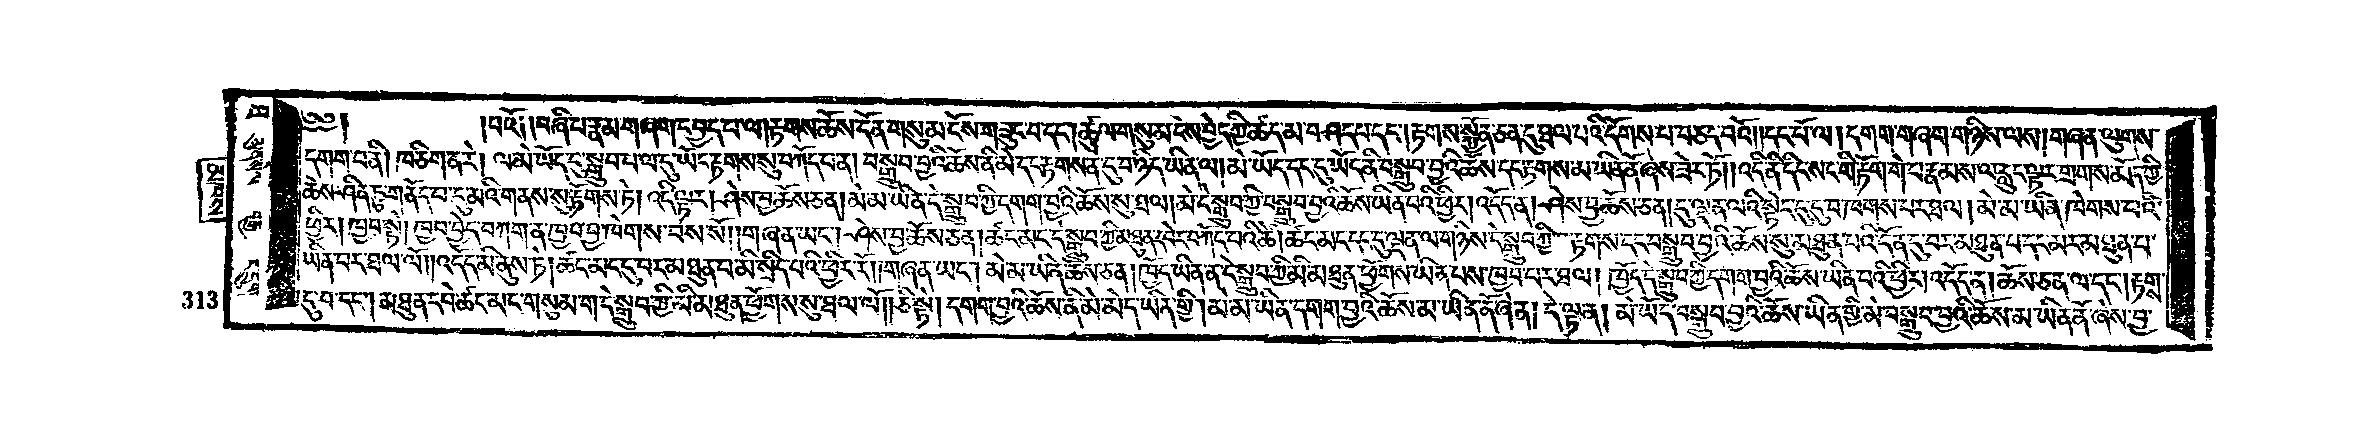༄༅། །པའོ། །བཞི་པ་རྣམ་གཞག་དཔྱད་པ་ལ། རྟགས་ཆོས་དོན་གསུམ་ངོས་གཟུང་བ་དང་། ཚུལ་གསུམ་ངེས་བྱེད་ཀྱི་ཚད་མ་བཤད་པ་དང་། རྟགས་སྐྱོན་ཅན་དུ་ཐལ་བའི་དོགས་པ་བཅད་པའོ། །དང་པོ་ལ། དགག་གཞག་གཉིས་ལས། གཞན་ལུགས་
དགག་པ་ནི། ཁ་ཅིག་ན་རེ། ལ་མེ་ཡོད་དུ་སྒྲུབ་པ་ལ་དུ་ཡོང་རྟགས་སུ་བཀོད་པ་ན། བསྒྲུབ་བྱའི་ཆོས་ནི་མེ་དང་རྟགས་ནི་དུ་བ་ཉིད་ཡིན་ལ། མེ་ཡོད་དང་དུ་ཡོད་ནི་བསྒྲུབ་བྱའི་ཆོས་དང་རྟགས་མ་ཡིན་ནོ་ཞེས་ཟེར་ཏོ། །འདི་ནི་དིང་སང་གི་རྟོག་གེ་བ་རྣམས་ལ་རླུང་ལྟར་གྲགས་མོད་ཀྱི་
ཆོས་ཤིན་ཏུ་གནོད་པ་དུ་མའི་གནས་སུ་རྟོགས་ཏེ། འདི་ལྟར། ཤེས་བྱ་ཆོས་ཅན། མེ་མ་ཡིན་དེ་སྒྲུབ་ཀྱི་དགག་བྱའི་ཆོས་སུ་ཐལ། མེ་དེ་སྒྲུབ་ཀྱི་བསྒྲུབ་བྱའི་ཆོས་ཡིན་པའི་ཕྱིར། འདོད་ན། ཤེས་བྱ་ཆོས་ཅན། དུ་ལྡན་ལའི་སྟེང་དུ་དུ་བ་ཁེགས་པར་ཐལ། མེ་མ་ཡིན་ཁེགས་པའི་
ཕྱིར། ཁྱབ་སྟེ། ཁྱབ་བྱེད་བཀག་ན་ཁྱབ་བྱ་ཁེགས་པས་སོ། །གཞན་ཡང་། ཤེས་བྱ་ཆོས་ཅན། ཚང་མང་དེ་སྒྲུབ་ཀྱི་མཐུན་དཔེར་བཀོད་པའི་ཚེ། ཚང་མང་དང་དུ་ལྡན་ལ་གཉིས་དེ་སྒྲུབ་ཀྱི་རྟགས་དང་བསྒྲུབ་བྱའི་ཆོས་སུ་མཐུན་པའི་དོན་དུ་བར་མཐུན་པ་དང་མར་མཐུན་པ་
ཡིན་པར་ཐལ་ལོ། །འདོད་མི་ནུས་ཏེ། ཚང་མང་དུ་བར་མཐུན་པ་མི་སྲིད་པའི་ཕྱིར་རོ། །གཞན་ཡང་། མེ་མ་ཡིན་ཆོས་ཅན། ཁྱོད་ཡིན་ན་དེ་སྒྲུབ་ཀྱི་མི་མཐུན་ཕྱོགས་ཡིན་པས་ཁྱབ་པར་ཐལ། ཁྱོད་དེ་སྒྲུབ་ཀྱི་དགག་བྱའི་ཆོས་ཡིན་པའི་ཕྱིར། འདོད་ན། ཆོས་ཅན་ལ་དང་། རྟགས་
དུ་བ་དང་། མཐུན་དཔེ་ཚང་མང་གསུམ་ག་དེ་སྒྲུབ་ཀྱི་མི་མཐུན་ཕྱོགས་སུ་ཐལ་ལོ། །ཅི་སྟེ། དགག་བྱའི་ཆོས་ནི་མེ་མེད་ཡིན་གྱི། མེ་མ་ཡིན་དགག་བྱའི་ཆོས་མ་ཡིན་ནོ་ཞེ་ན། དེ་ལྟ་ན། མེ་ཡོད་བསྒྲུབ་བྱའི་ཆོས་ཡིན་གྱི་མེ་བསྒྲུབ་བྱའི་ཆོས་མ་ཡིན་ནོ་ཞེས་བྱ་